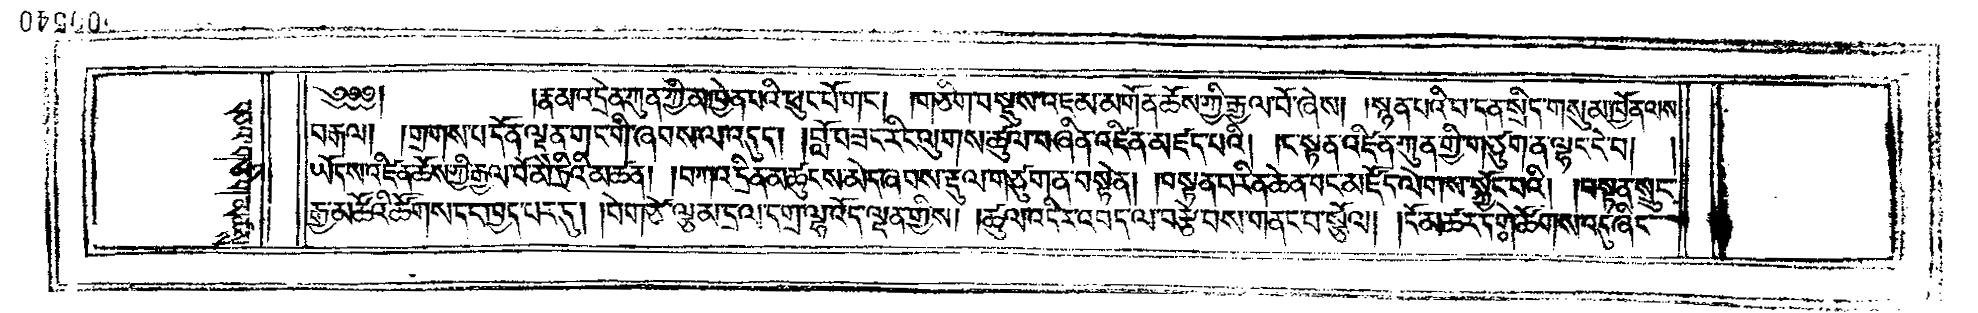༄༅༅། །རྣམ་འདྲེན་ཀུན་གྱི་མཁྱེན་པའི་ཕུང་པོ་གང་། །གཅིག་བསྡུས་འཇམ་མགོན་ཆོས་ཀྱི་རྒྱལ་པོ་ཞེས། །སྙན་པའི་བ་དན་སྲིད་གསུམ་ཁྱོན་ལས་
བརྒལ། །གྲགས་པ་དོན་ལྡན་གང་གི་ཞབས་ལ་འདུད། །བློ་བཟང་རིང་ལུགས་ཚུལ་བཞིན་འཛིན་མཛད་པའི། །བསྟན་འཛིན་ཀུན་གྱི་གཙུག་ན་ལྷང་ངེ་བ། །
ཡོངས་འཛིན་ཆོས་ཀྱི་རྒྱལ་བོ་མཻ་ཏྲིའི་མཚན། །བཀའ་དྲིན་མཚུངས་མེད་ཞབས་རྡུལ་གཙུག་ན་བསྟེན། །བསྟན་པ་རིན་ཆེན་བང་མཛོད་ལེགས་སྐྱོང་བའི། །བསྟན་སྲུང་
རྒྱ་མཚོའི་ཚོགས་དང་ཁྱད་པར་དུ། །བེག་ཙེ་ལྕམ་དྲལ་དགྲ་ལྷ་འོད་ལྡན་གྱིས། །ཚུལ་འདིར་འབད་ལ་བརྩེ་བས་གནང་བ་སྩོལ། །ངོ་མཚར་དགེ྾་ཚོགས་འདུ་ཞིང་